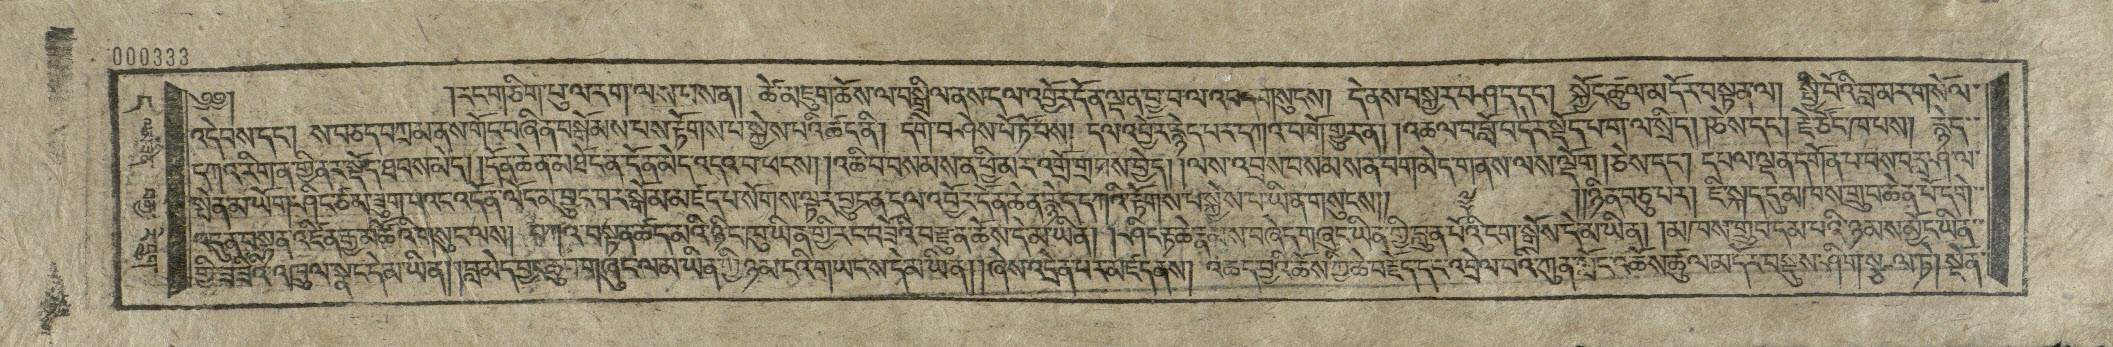༄༅། །རང་གཅིག་པུ་ལ་རག་ལས་པས་ན། ཚེ་མཇུག་ཆོས་ལ་བསྒྲིལ་ནས་དལ་འབྱོར་དོན་ལྡན་བྱ་བ་ལ་འབད་གསུངས། དེ་ནས་བསྐྱར་བཤད་དང་། སྐྱོང་ཚུལ་མདོར་བསྟན་ལ། སྤྱི་བོའི་བླ་མར་གསོལ་
འདེབས་དང་། ས་བཅད་བཀྲམ་ནས་གོང་བཞིན་བསྒོམས་པས་རྟོགས་པ་སྐྱེས་པའི་ཚད་ནི། དགེ་བཤེས་པོ་ཏོ་བས། དལ་འབྱོར་རྙེད་པར་དཀའ་བ་གོ་གྱུར་ན། །འཆལ་བ་བློ་བདེར་སྡོད་པ་ག་ལ་སྲིད། །ཅེས་དང་། རྗེ་ཙོང་ཁ་པས། རྙེད་
དཀའ་རིག་ན་གྱི་ནར་སྡོད་ཐབས་མེད། །དོན་ཆེན་མཐོང་ན་དོན་མེད་འདའ་བ་ཕངས། །འཆི་བ་བསམས་ན་ཕྱི་མར་འགྲོ་གྲབས་བྱེད། །ལས་འབྲས་བསམས་ན་བག་མེད་གནས་ལས་ལྡོག །ཅེས་དང་། དཔལ་ལྡན་དགོན་པ་བས་བརླ་ཤ་ལ་
སྤེན་མ་ཡོག་ཤིང་ཙམ་ཟུག་པའང་འདོན་ལོང་མ་བྱུང་བར་སྒོམ་མཛད་པ་སོགས་ལྟར་བྱུང་ན་དལ་འབྱོར་དོན་ཆེན་རྙེད་དཀའི་རྟོགས་པ་སྐྱེས་པ་ཡིན་གསུངས།། ༈ །།ཉིན་བཅུ་པར། ཇི་སྐད་དུ་མཁས་གྲུབ་ཆེན་པོ་དགེ་
འདུན་བསྟན་འཛིན་རྒྱ་མཚོའི་གསུང་ལས། བཀའ་བསྟན་ཚད་མའི་ཉིང་ཁུ་ཡིན་གྱི་རང་བཟོའི་བརྫུན་ཆོས་དེ་མ་ཡིན། །ཤིང་རྟ་ཆེ་རྣམས་བཞེད་གཞུང་ཡིན་གྱི་བླུན་པོའི་ངག་སྒྲོས་དེ་མ་ཡིན། །མཁས་གྲུབ་དམ་པའི་ཉམས་མྱོང་ཡིན་
གྱི་ཟ་ཟིའི་འཁྲུལ་སྣང་དེ་མ་ཡིན། །བླ་མེད་བྱང་ཆུབ་གཞུང་ལམ་ཡིན་གྱི་ཉམ་ངའི་གཡང་ས་དེ་མ་ཡིན། །ཞེས་འདྲེན་པར་མཛད་ནས། འཆད་བྱའི་ཆོས་ཀྱི་ཆེ་བརྗོད་དང་འབྲེལ་བའི་ཀུན་སློང་འཆོས་ཚུལ་མདོར་བསྡུས་ཤིག་སྩལ་ཏེ། སྔོན་